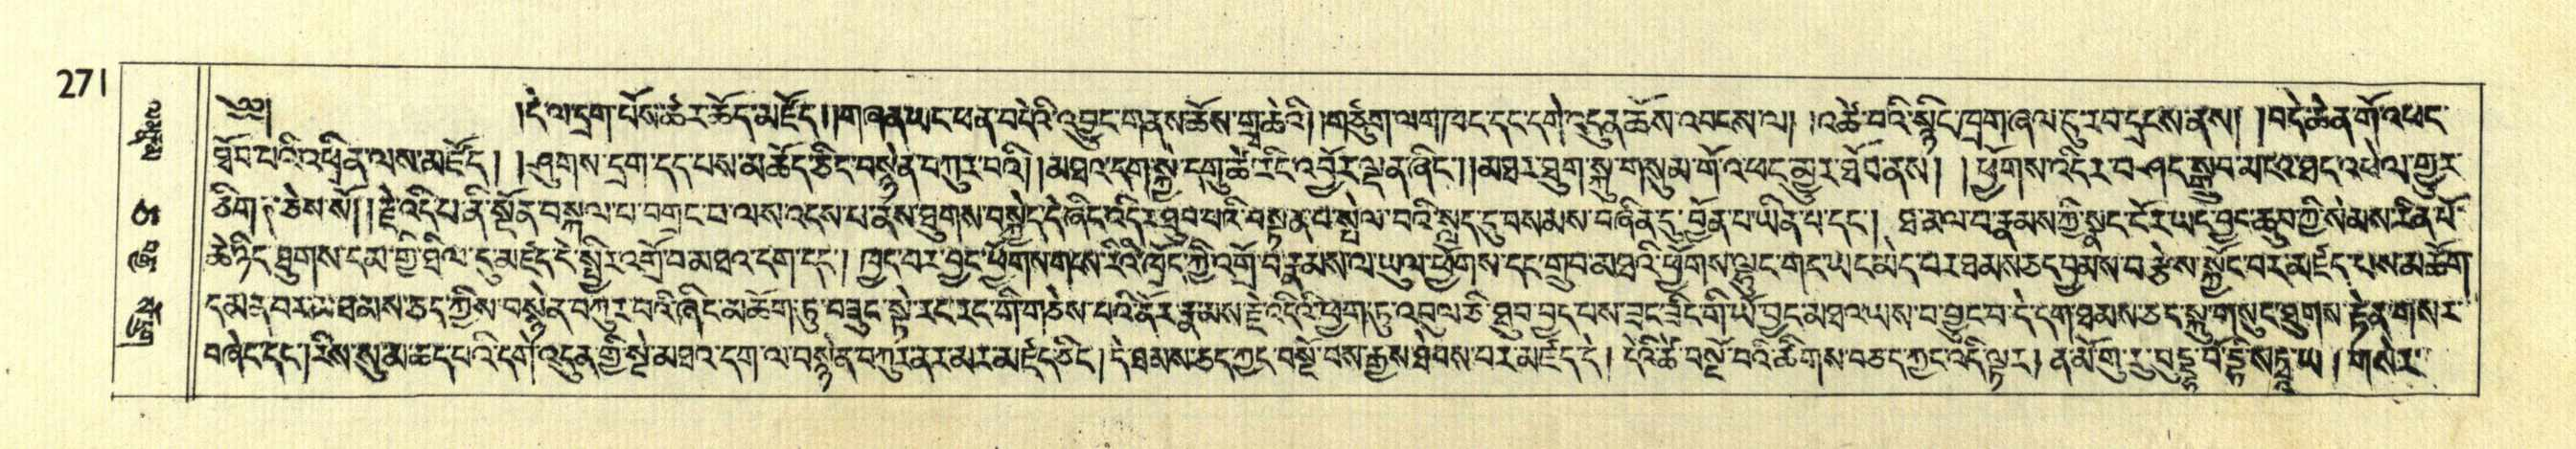༄༅། །དེ་ལ་དྲག་པོས་ཚར་ཆོད་མཛོད། །གཞན་ཡང་ཕན་བདེའི་འབྱུང་གནས་ཆོས་གྲྭ་ཆེའི། །གཙུག་ལག་ཁང་དང་དགེ་འདུན་ཆོས་འབངས་ལ། །འཚེ་བའི་སྙིང་ཁྲག་ཞལ་དུ་རབ་དྲངས་ནས། །བདེ་ཆེན་གོ་འཕང་
ཐོབ་པའི་འཕྲིན་ལས་མཛོད། །ཤུགས་དྲག་དད་པས་མཆོད་ཅིང་བསྙེན་བཀུར་བའི། །མཐའ་དག་སྐྱེ་དགུ་ཚེ་རིང་འབྱོར་ལྡན་ཞིང་། །མཐར་ཐུག་སྐུ་གསུམ་གོ་འཕང་མྱུར་ཐོབ་ནས། །ཕྱོགས་འདིར་བཤད་སྒྲུབ་མངའ་ཐང་འཕེལ་གྱུར་
ཅིག༑ ཅེས་སོ། །རྗེ་འདི་པ་ནི་སྔོན་བསྐལ་པ་བགྲང་བ་ལས་འདས་པ་ནས་ཐུགས་བསྐྱེད་དེ་ཞིང་འདིར་ཐུབ་པའི་བསྟན་པ་སྤེལ་བའི་སླད་དུ་བསམས་བཞིན་དུ་བྱོན་པ་ཡིན་པ་དང་། ཐ་མལ་བ་རྣམས་ཀྱི་སྣང་ངོར་ཡང་བྱང་ཆུབ་ཀྱི་སེམས་རིན་པོ་
ཆེ་ཉིད་ཐུགས་དམ་གྱི་ཐིལ་དུ་མཛད་དེ་སྤྱིར་འགྲོ་བ་མཐའ་དག་དང་། ཁྱད་པར་བྱང་ཕྱོགས་གངས་རིའི་ཁྲོད་ཀྱི་འགྲོ་བ་རྣམས་ལ་ཡུལ་ཕྱོགས་དང་གྲུབ་མཐའི་ཕྱོགས་ལྷུང་གང་ཡང་མེད་པར་ཐམས་ཅད་བྱམས་བརྩེས་སྐྱོང་བར་མཛད་པས་མཆོག་
དམན་བར་མ་ཐམས་ཅད་ཀྱིས་བསྙེན་བཀུར་པའི་ཞིང་མཆོག་ཏུ་བཟུང་སྟེ་རང་རང་གི་གཅེས་པའི་ནོར་རྣམས་རྗེ་འདིའི་ཕྱག་ཏུ་འབུལ་ཅི་ཐུབ་བྱད་པས་ཟང་ཟིང་གི་ཡོ་བྱང་མཐའ་ཡས་པ་བྱུང་བ་དེ་དག་ཐམས་ཅད་སྐུ་གསུང་ཐུགས་རྟེན་གསར་
བཞེང་དང་། རིས་སུ་མ་ཆད་པའི་དགེ་འདུན་གྱི་སྡེ་མཐའ་དག་ལ་བསྙེན་བཀུར་ནར་མར་མཛད་ཅིང་། དེ་ཐམས་ཅད་ཀྱང་བསྔོ་བས་རྒྱས་ཐེབས་པར་མཛད་དེ། དེའི་ཚེ་བསྔོ་བའི་ཚིགས་བཅད་ཀྱང་འདི་ལྟར། ན་མོ་གུ་རུ་བུདྡྷ་བོ་དྷི་སཏྭཱ་ཡ། གསེར་